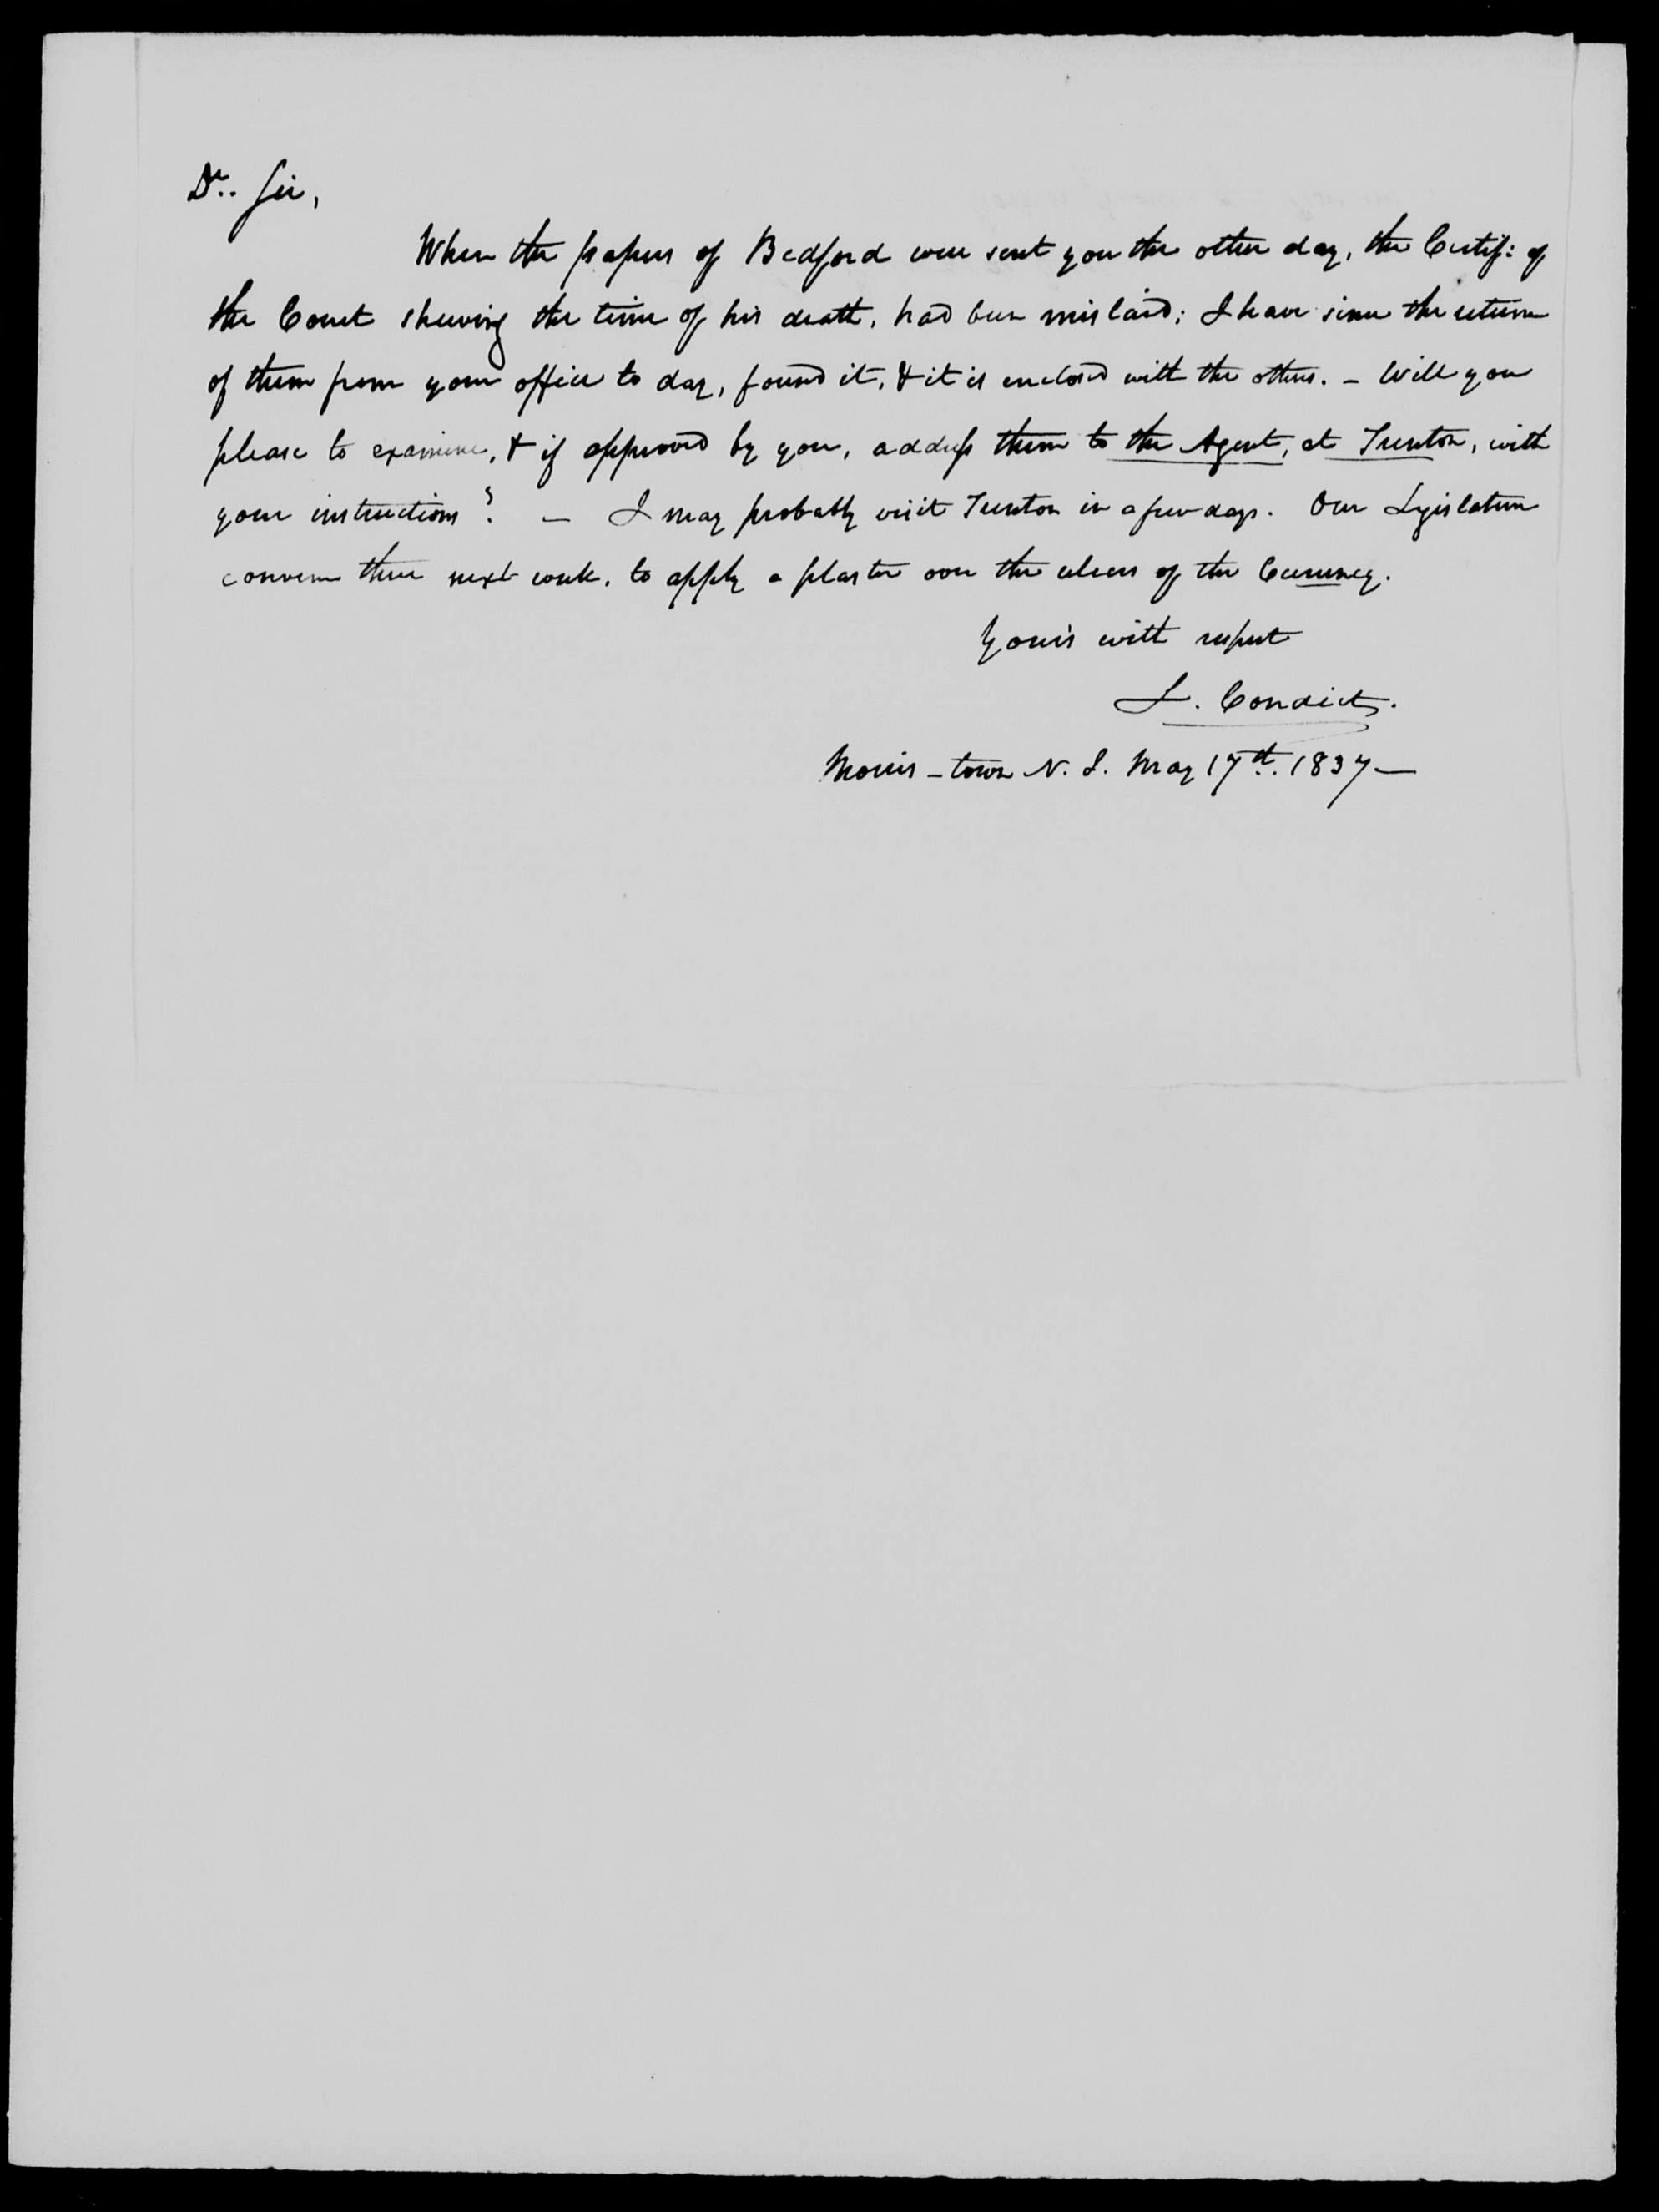Dr. Sir,
When the papers of Bedford were sent you the other day, the Certif. of the Court showing the time of his death, had been mislaid. I have since the return of them from your office to day, found it, & it is enclosed with the others. Will you please to examine, & if approved by you, address them to the Agent, at Trenton, with your instructions? I may probably visit Trenton in a few days. Our Legislature convenes there next week, to apply a plaster over the [illegible] of the Currency.
Yours with respect
L. Condict
Morristown N.J. May 17th 1837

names: Bedford, L Condict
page: 20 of 31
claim: survivor's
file: S. 2372, Stephen Bedford, New Jersey